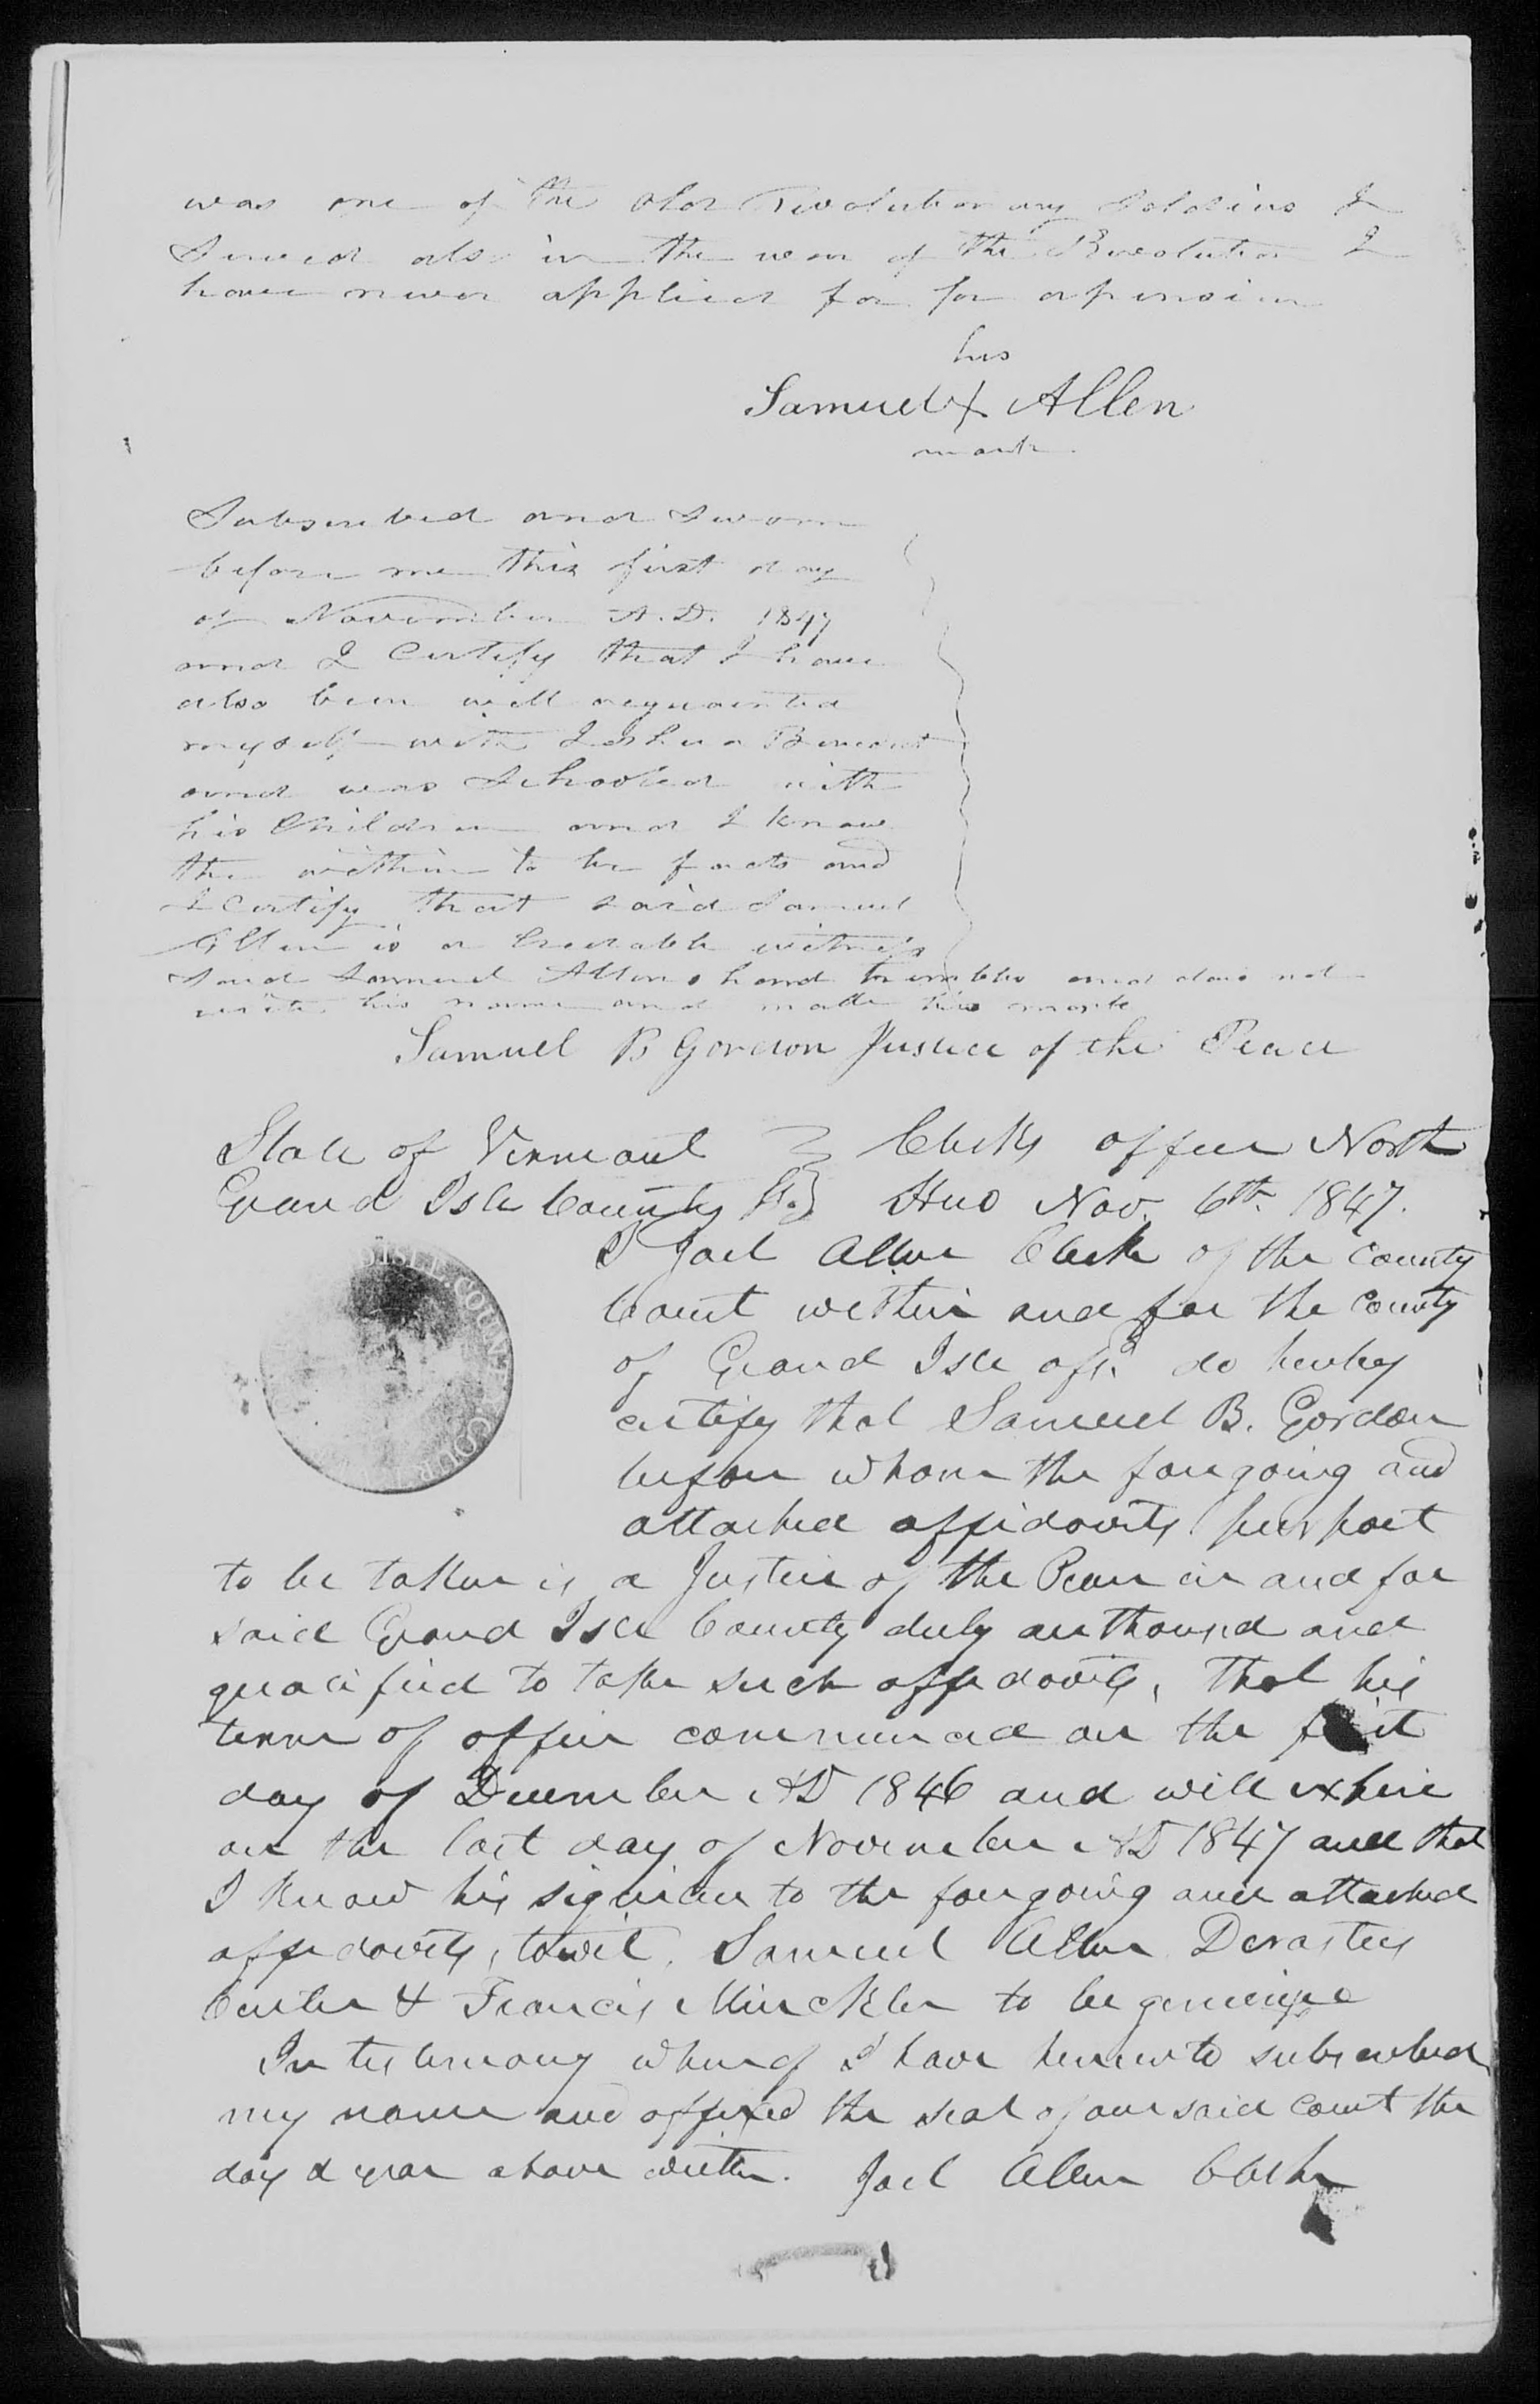was one of the old Revolutionary soldiers & served also in the war of the Revolution I have never applied for a pension
his
Samuel X Allen
mark

Subscribed and sworn before me this first day of November A.D. 1847 and I Certify that I have also been well acquainted myself with Joshua Benedict and was Schooled with his Children and I know the within to be facts and I Certify that said Samuel Allen is a Credible witness said Samuel Allens hand trembles and does not write his name and made his mark
Samuel B Gordon Justice of the Peace

State of Vermont
Grand Isle County Ss. } Clerks office North Hero Nov. 6th 1847.
I Joel Allen Clerk of the County Court within and for the County of Grand Ilse afsd. do hereby certify that Samuel B. Gordon before whom the foregoing and attached affidavits purport to be taken is a Justice of the Peace in and for said Grand Isle County duly authorized and qualified to take such affidavits. That his term of office commenced on the first day of December AD 1846 and will expire on the last day of November AD 1847 and that I know his signature to the foregoing and attached affidavits, to wit, Samuel Allen, Derastus Carter & Francis Minckler to be genuine
In testimony whereof I have hereunto subscribed my name and affixed the seal of our said Court the day & year above stated.
Joel Allen Clerk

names: Joshua Benedict, Samuel Allen, Samuel B Gordon, Samuel Allen, Francis Minckler, Joel Allen, Samuel B Gordon, Samuel Allen, Samuel Allen, Joel Allen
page: 80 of 106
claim: survivor's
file: S 23,116., Joshua Benedict, Conn.